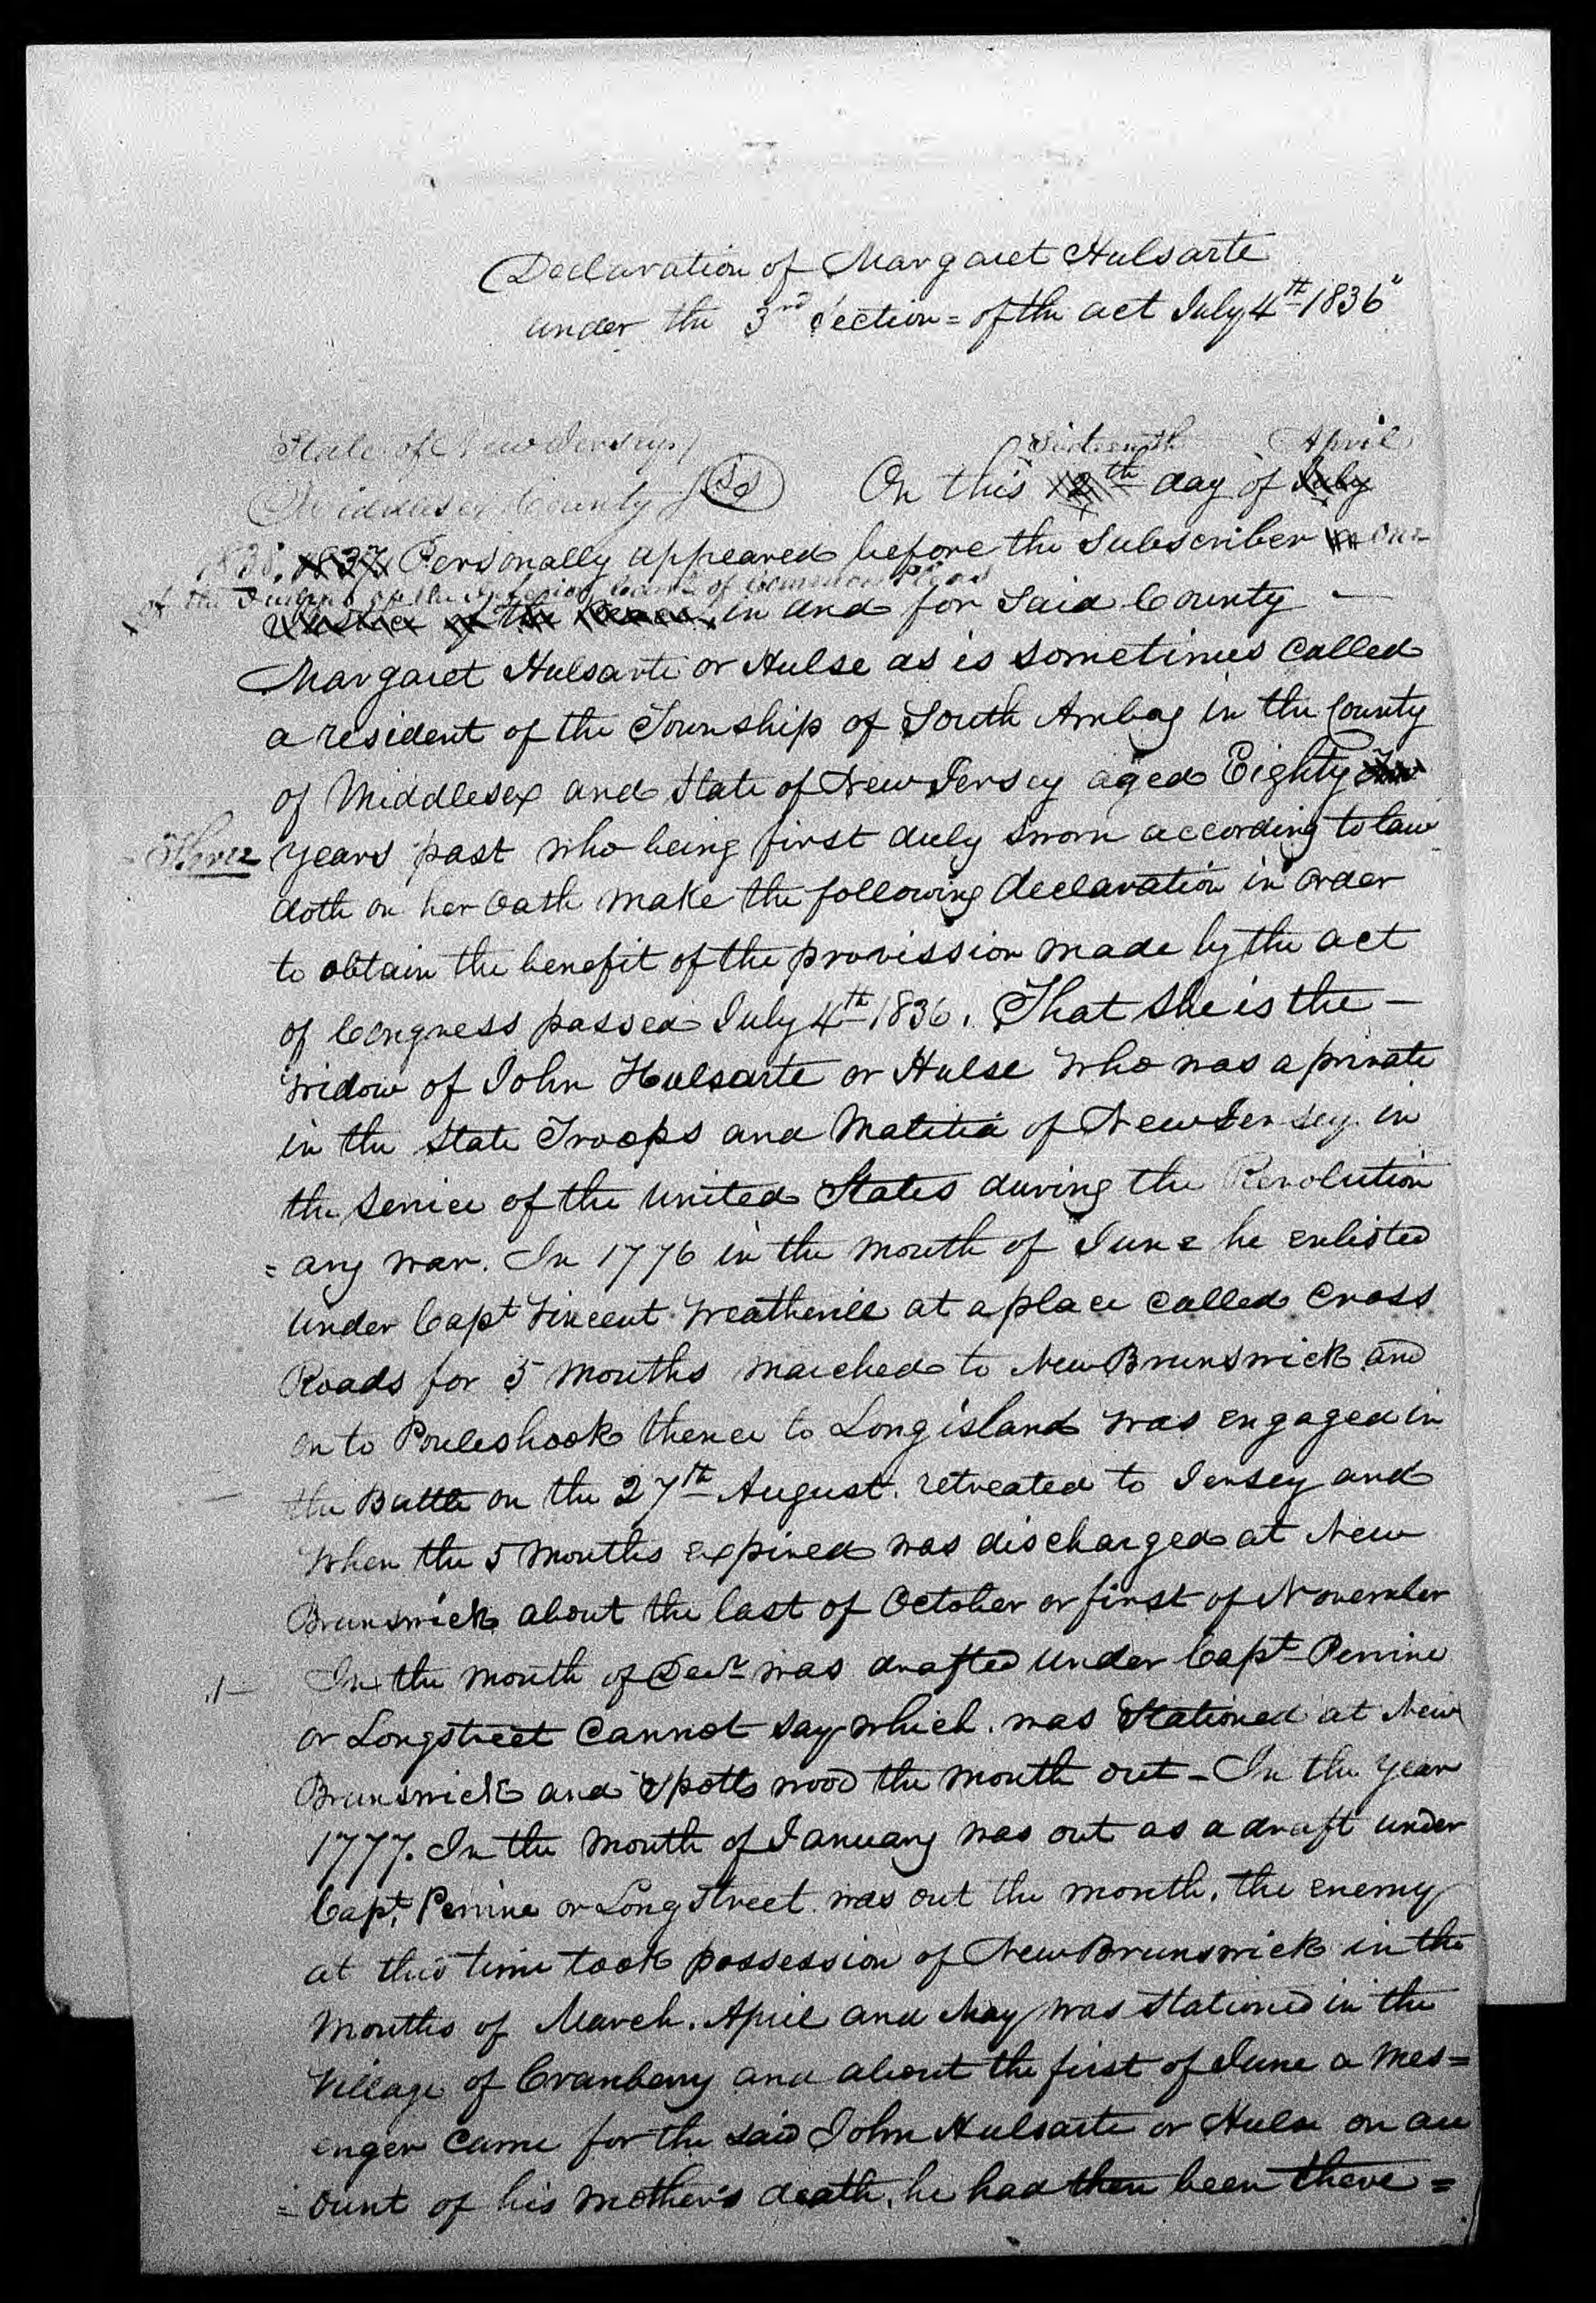Declaration of Margaret Hulsarte
under the 3rd Section of the act July 4th 1836"

State of New Jersey
Middlesex of County } SS
On this ['12th' crossed out] Sixteenth day of ['July' crossed out] April ['1838' crossed out] 1838 Personally appeared before the Subscriber a['Justice of the Peace' crossed out] one of the Judges of the Inferior Court of Common Pleas in and for said County
Margaret Hulsart or Hulse as is sometimes called a resident of the Township of South Amboy in the County of Middlesex and State of New Jersey aged Eighty Three years past who being first duly sworn according to law doth on her oath make the following declaration in order
to obtain the benefit of the provision made by the act of Congress passed July 4th 1836. That she is the- Widow of John Hulsart or Hulse who was a private in the State Troops and malitia [militia] of New Jersey in the service of the United States during the Revolutionary war. In 1776 in the month of June he enlisted under Capt Vincent Weatherill at a place called Cross
Roads for 5 months marched to New Brunswick and on to Pouleshook thence to Long island was engaged in the Battle on the 27th August retreated to Jersey and when the 5 months expired was discharged at New Brunswick about the last of October or first of November
In the month of Decr was drafted under Capt Perrine- or Longstreet cannot say which.  was stationed at New Brunswick and Spottswood the month out- In the year 1777.  In the month of January was out as a draft under Capt Perrine or Long Street was out the month, the enemy
at this time took possession of New Brunswick in the months of March April and May was stationed in the Village of Cranberry and about the first of June a messenger came for the said John Hulsart or Hulse on account of his mother's death, he had then been there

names: Margaret Hulse, John Hulsarte, Vincent Weatherill, Perrine, John Hulse, Longstreet, Margaret Hulsarte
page: 7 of 34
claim: widow's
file: W. 940, John Hulshart, New Jersey